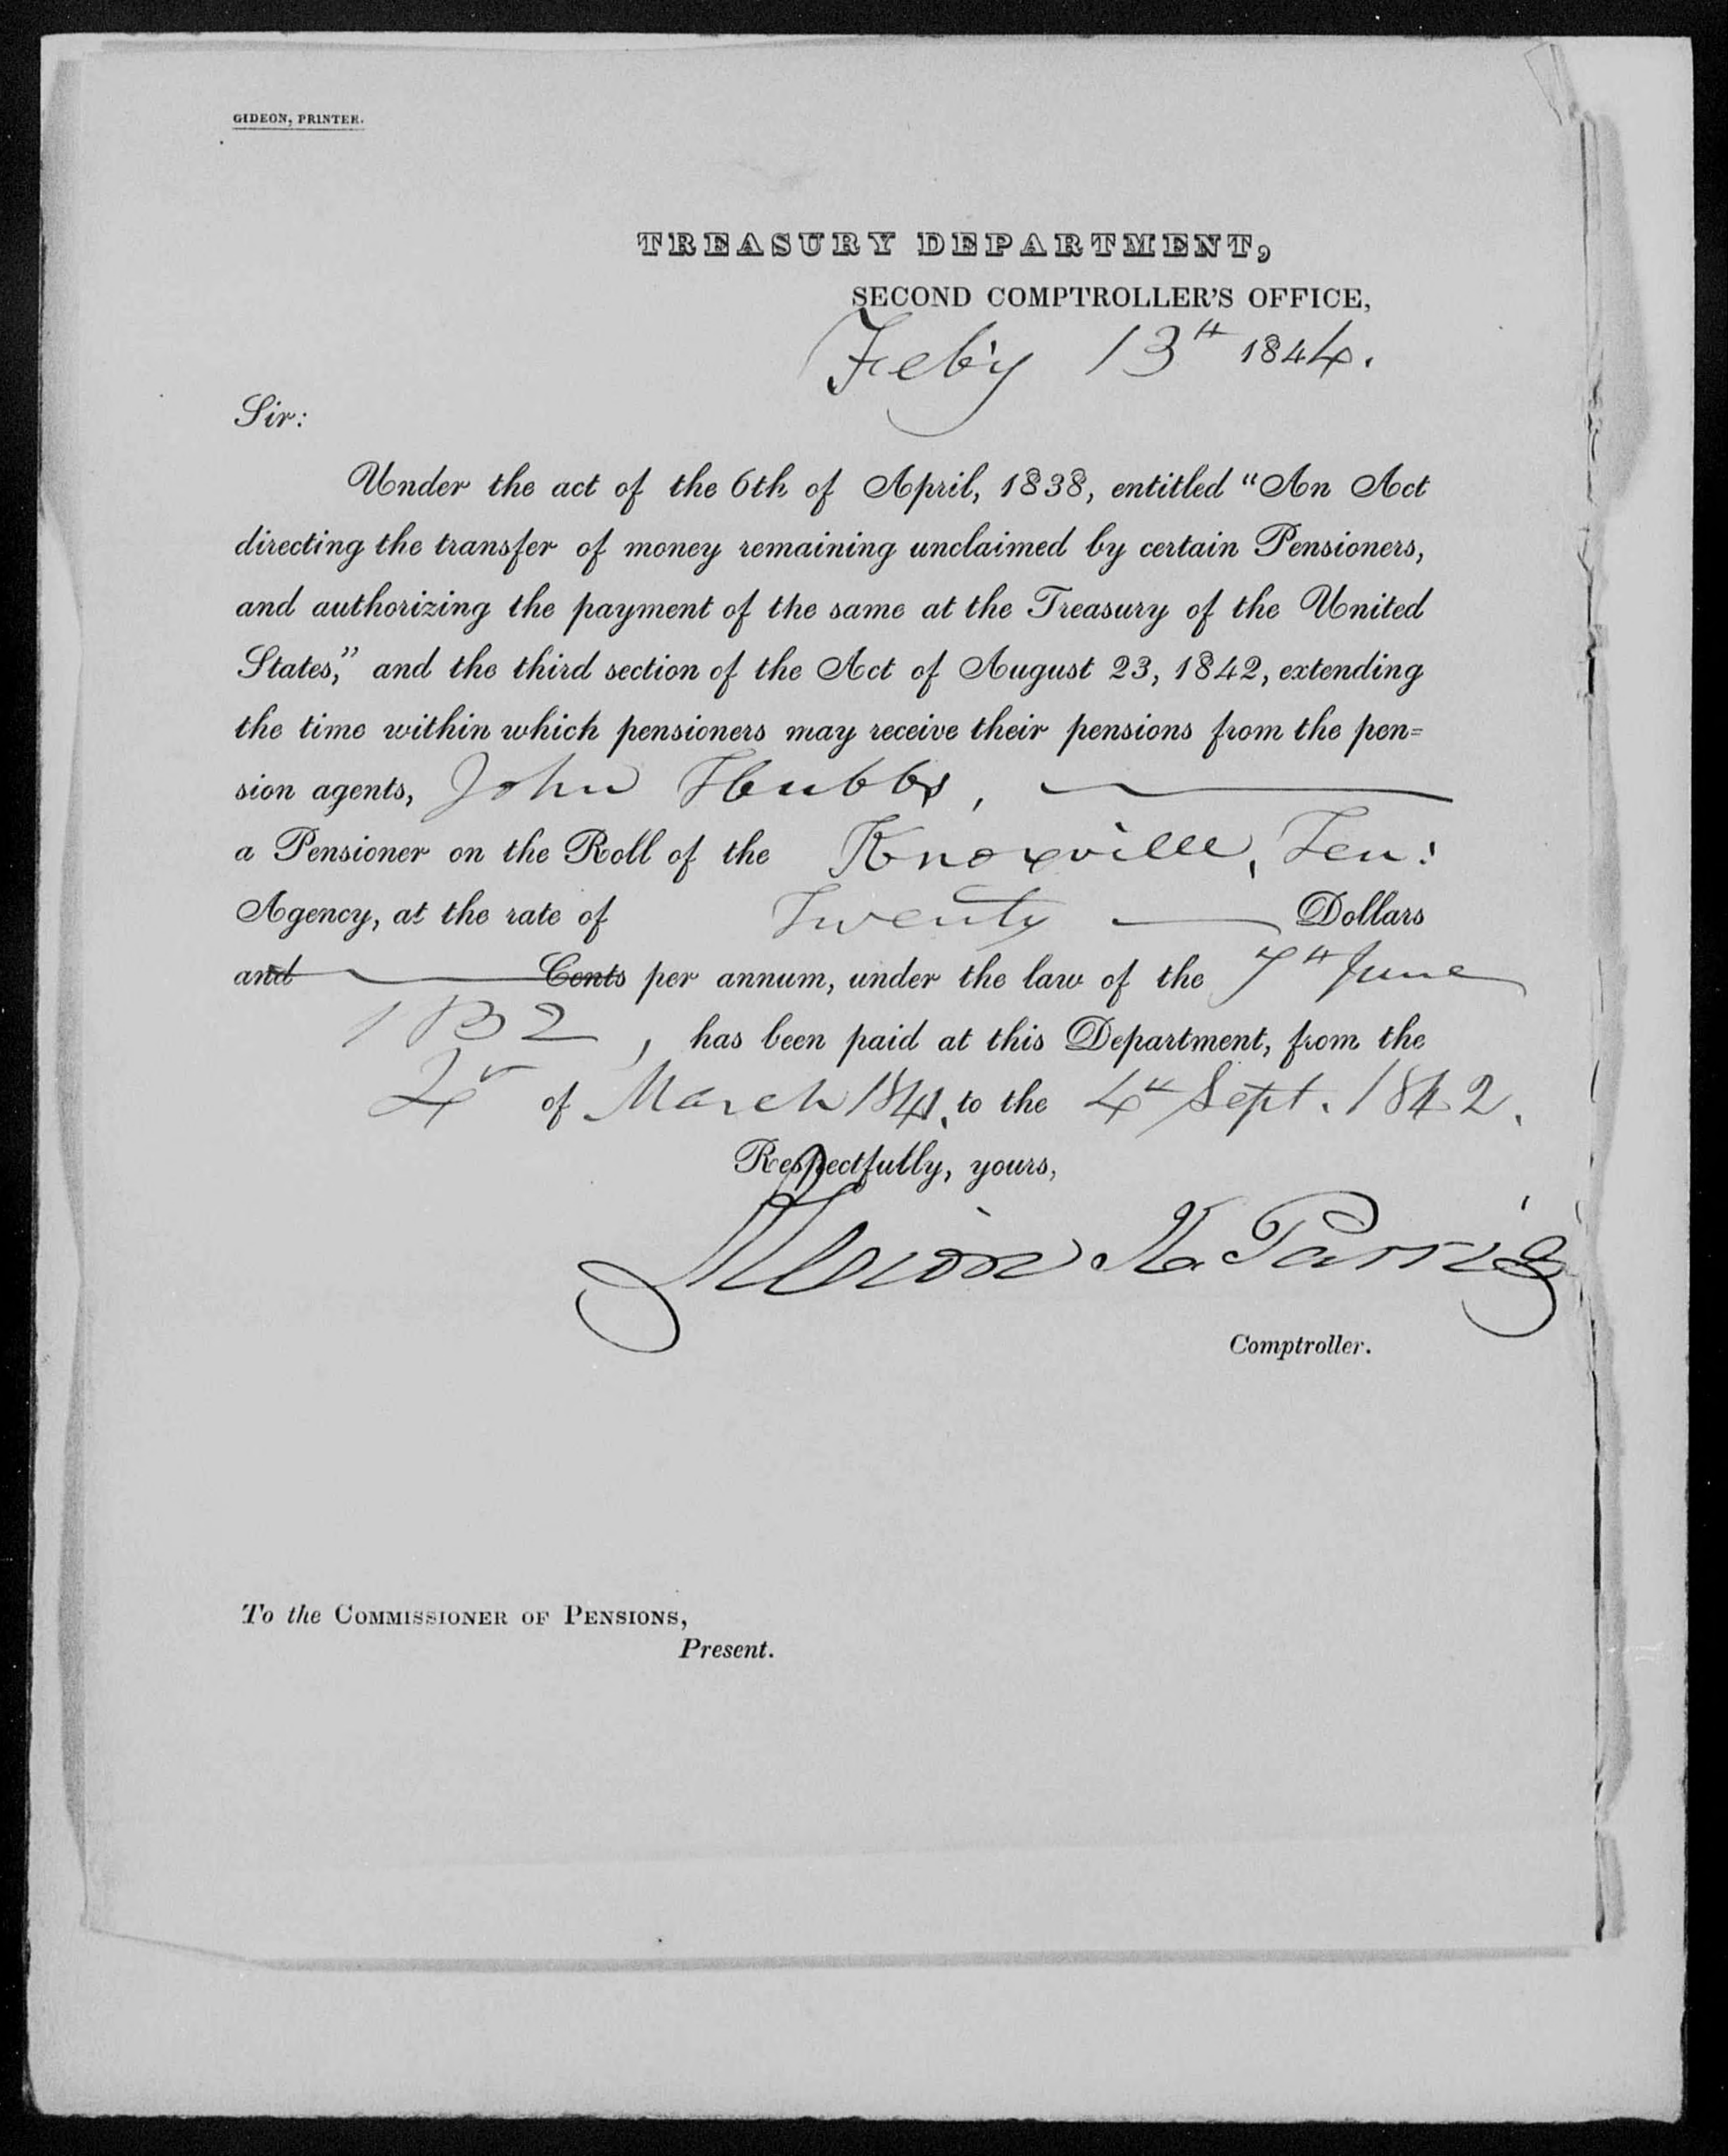GIDEON, PRINTER.
________________
TREASURY DEPARTMENT
Second Comptroller's Office,
Feby13th, 1844.
Sir:
Under the act of the 6th of April, 1838, entitled "An act 
directing the transfer of money remaining unclaimed by certain Pensioners, and authorizing the payment of the same at the Treasury of the United  States," and the third section of the Act of August 23, 1842, extending the time within which pensioners may receive their pensions from the pen=
sion agents, John Hubbs
Pensioner on the Roll of the Knoxville, Ten 
Agency, at the rate of Twenty Dollars
per annum, under the law of the 7th June 
1832, hasbeen paid at this Department, from the 
4th of March, 1841 to the 4th Sept. 1842.
Respectfully yours,
Albion K Parris [signature]
Comptroller.
To the Commissioner of Pensions,
Present.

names: John Hubbs, Albion K Parris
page: 35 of 86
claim: widow's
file: W. 1035, John Hubbs, S.C.